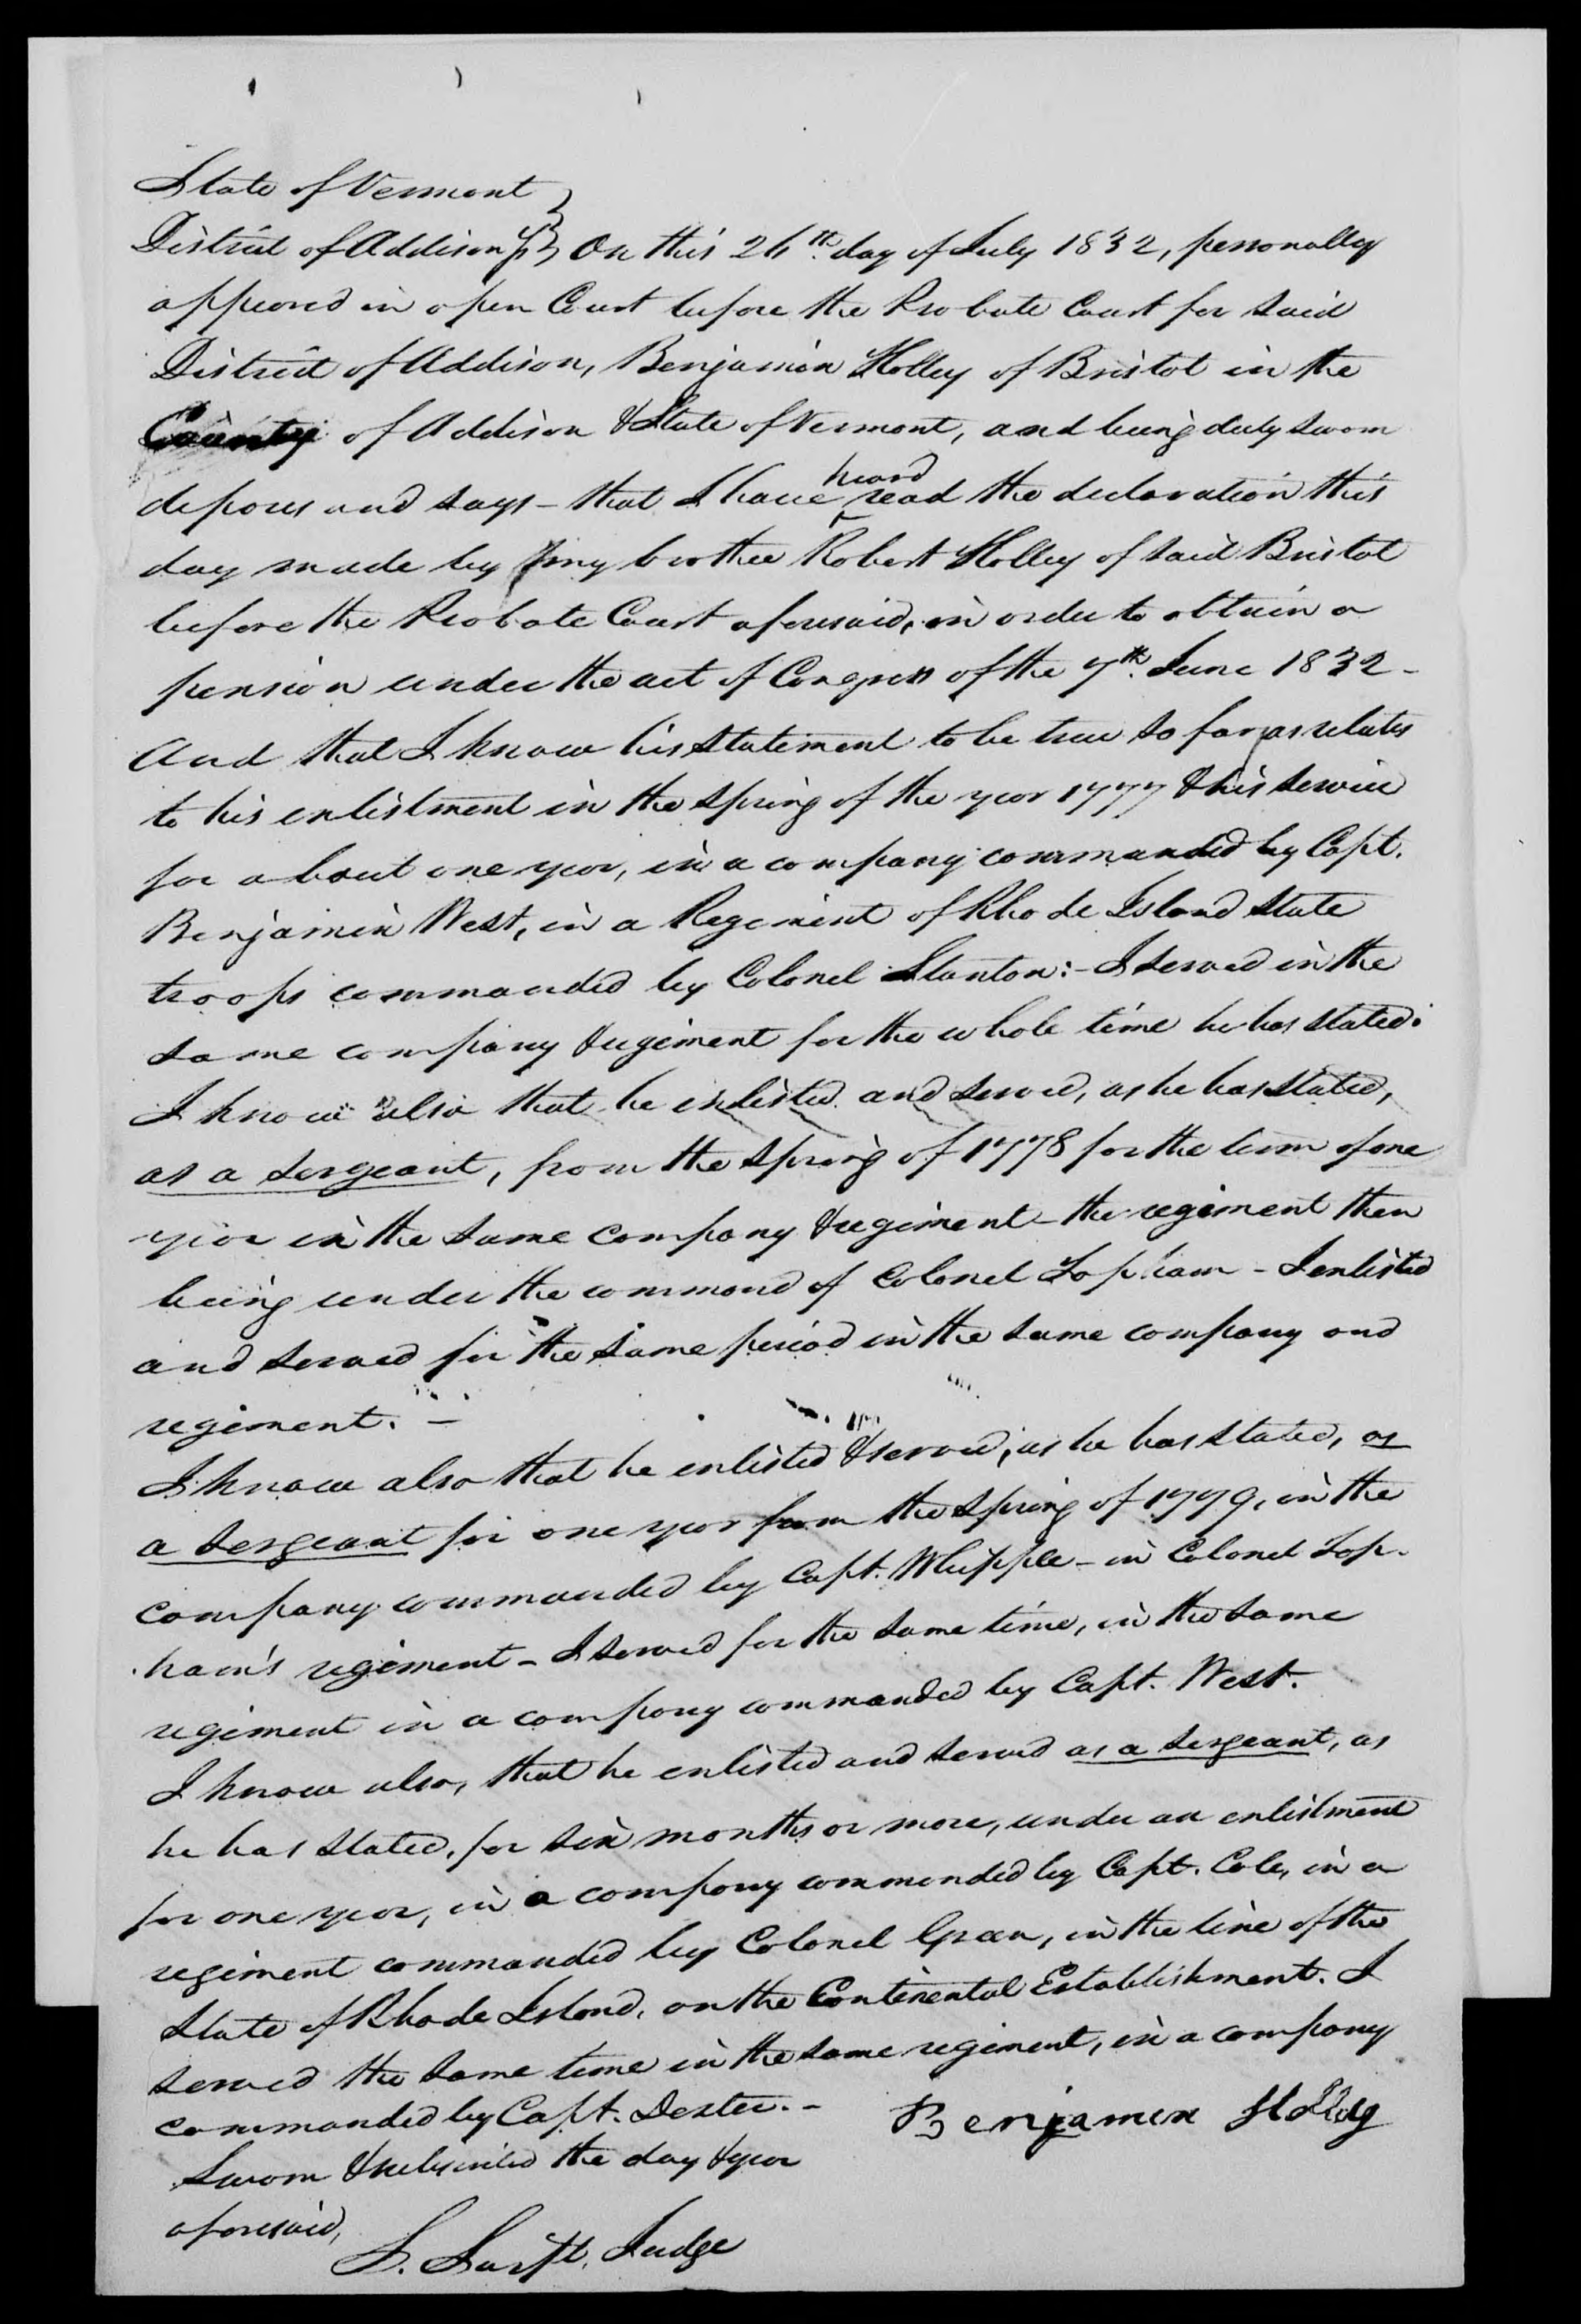State of Connecticut
District of Addison
On this 26th day of July 1832, personally
affirmed in open court before the Probate Court for said District of Addison, Benjamin Holley of Bristol in the County of Addison & State of Vermont, and being duly sworn in deposes and says - that I have [insert ^] heard read the declaration this day made by my brother Robert Holley of said Bristol before the Probate Court aforesaid, in order to obtain a pension under the act of Congress of the 4th June 1832- And that I know his statement to be true so for predates his enlistment in the Spring of the year 1777 this service for about 1 year, in a company commanded by Capt. Benjamin West, in a Regiment of Rhode Island State troops commanded by Colonel Stanton:- I served in the same company regiment for the whole time he has stated, as a Sergeant, from the Spring of 1778 for the term afore year in the same company regiment- the regiment then being under the command of Colonel Lofham. I enlisted and served for the same period in the same company and regiment.- 
I know also that he enlisted & served, as he has stated, as a Sergeant for one year from the Spring of 1779, in the company commanded by Capt. Whipple- in Colonel Lofham’s regiment. I served for the same time, in the same regiment in a company commanded by Capt. West. I know also, that he enlisted and served as a sergeant, as he has stated, for six months or more, under an enlistment for one year, in a company commanded by Capt. Cole, in a regiment commanded by Colonel Gran, in the line of the State of Rhode Island, on the Continental Establishment. I served the same time in the same regiment, in a company commanded by Capt. Dexter.- Benjamin Holley
Sworn & verified? the day & year aforesaid,
S. Swift, Judge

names: Whipple, Benjamin Holley, Tophane, Robert Holley, Cole, Benjamin Holley, West, Gran, Benjamin West, Dester, Slanton, S Swift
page: 54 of 62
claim: widow's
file: W. 21391, Robert Holley, Conn.